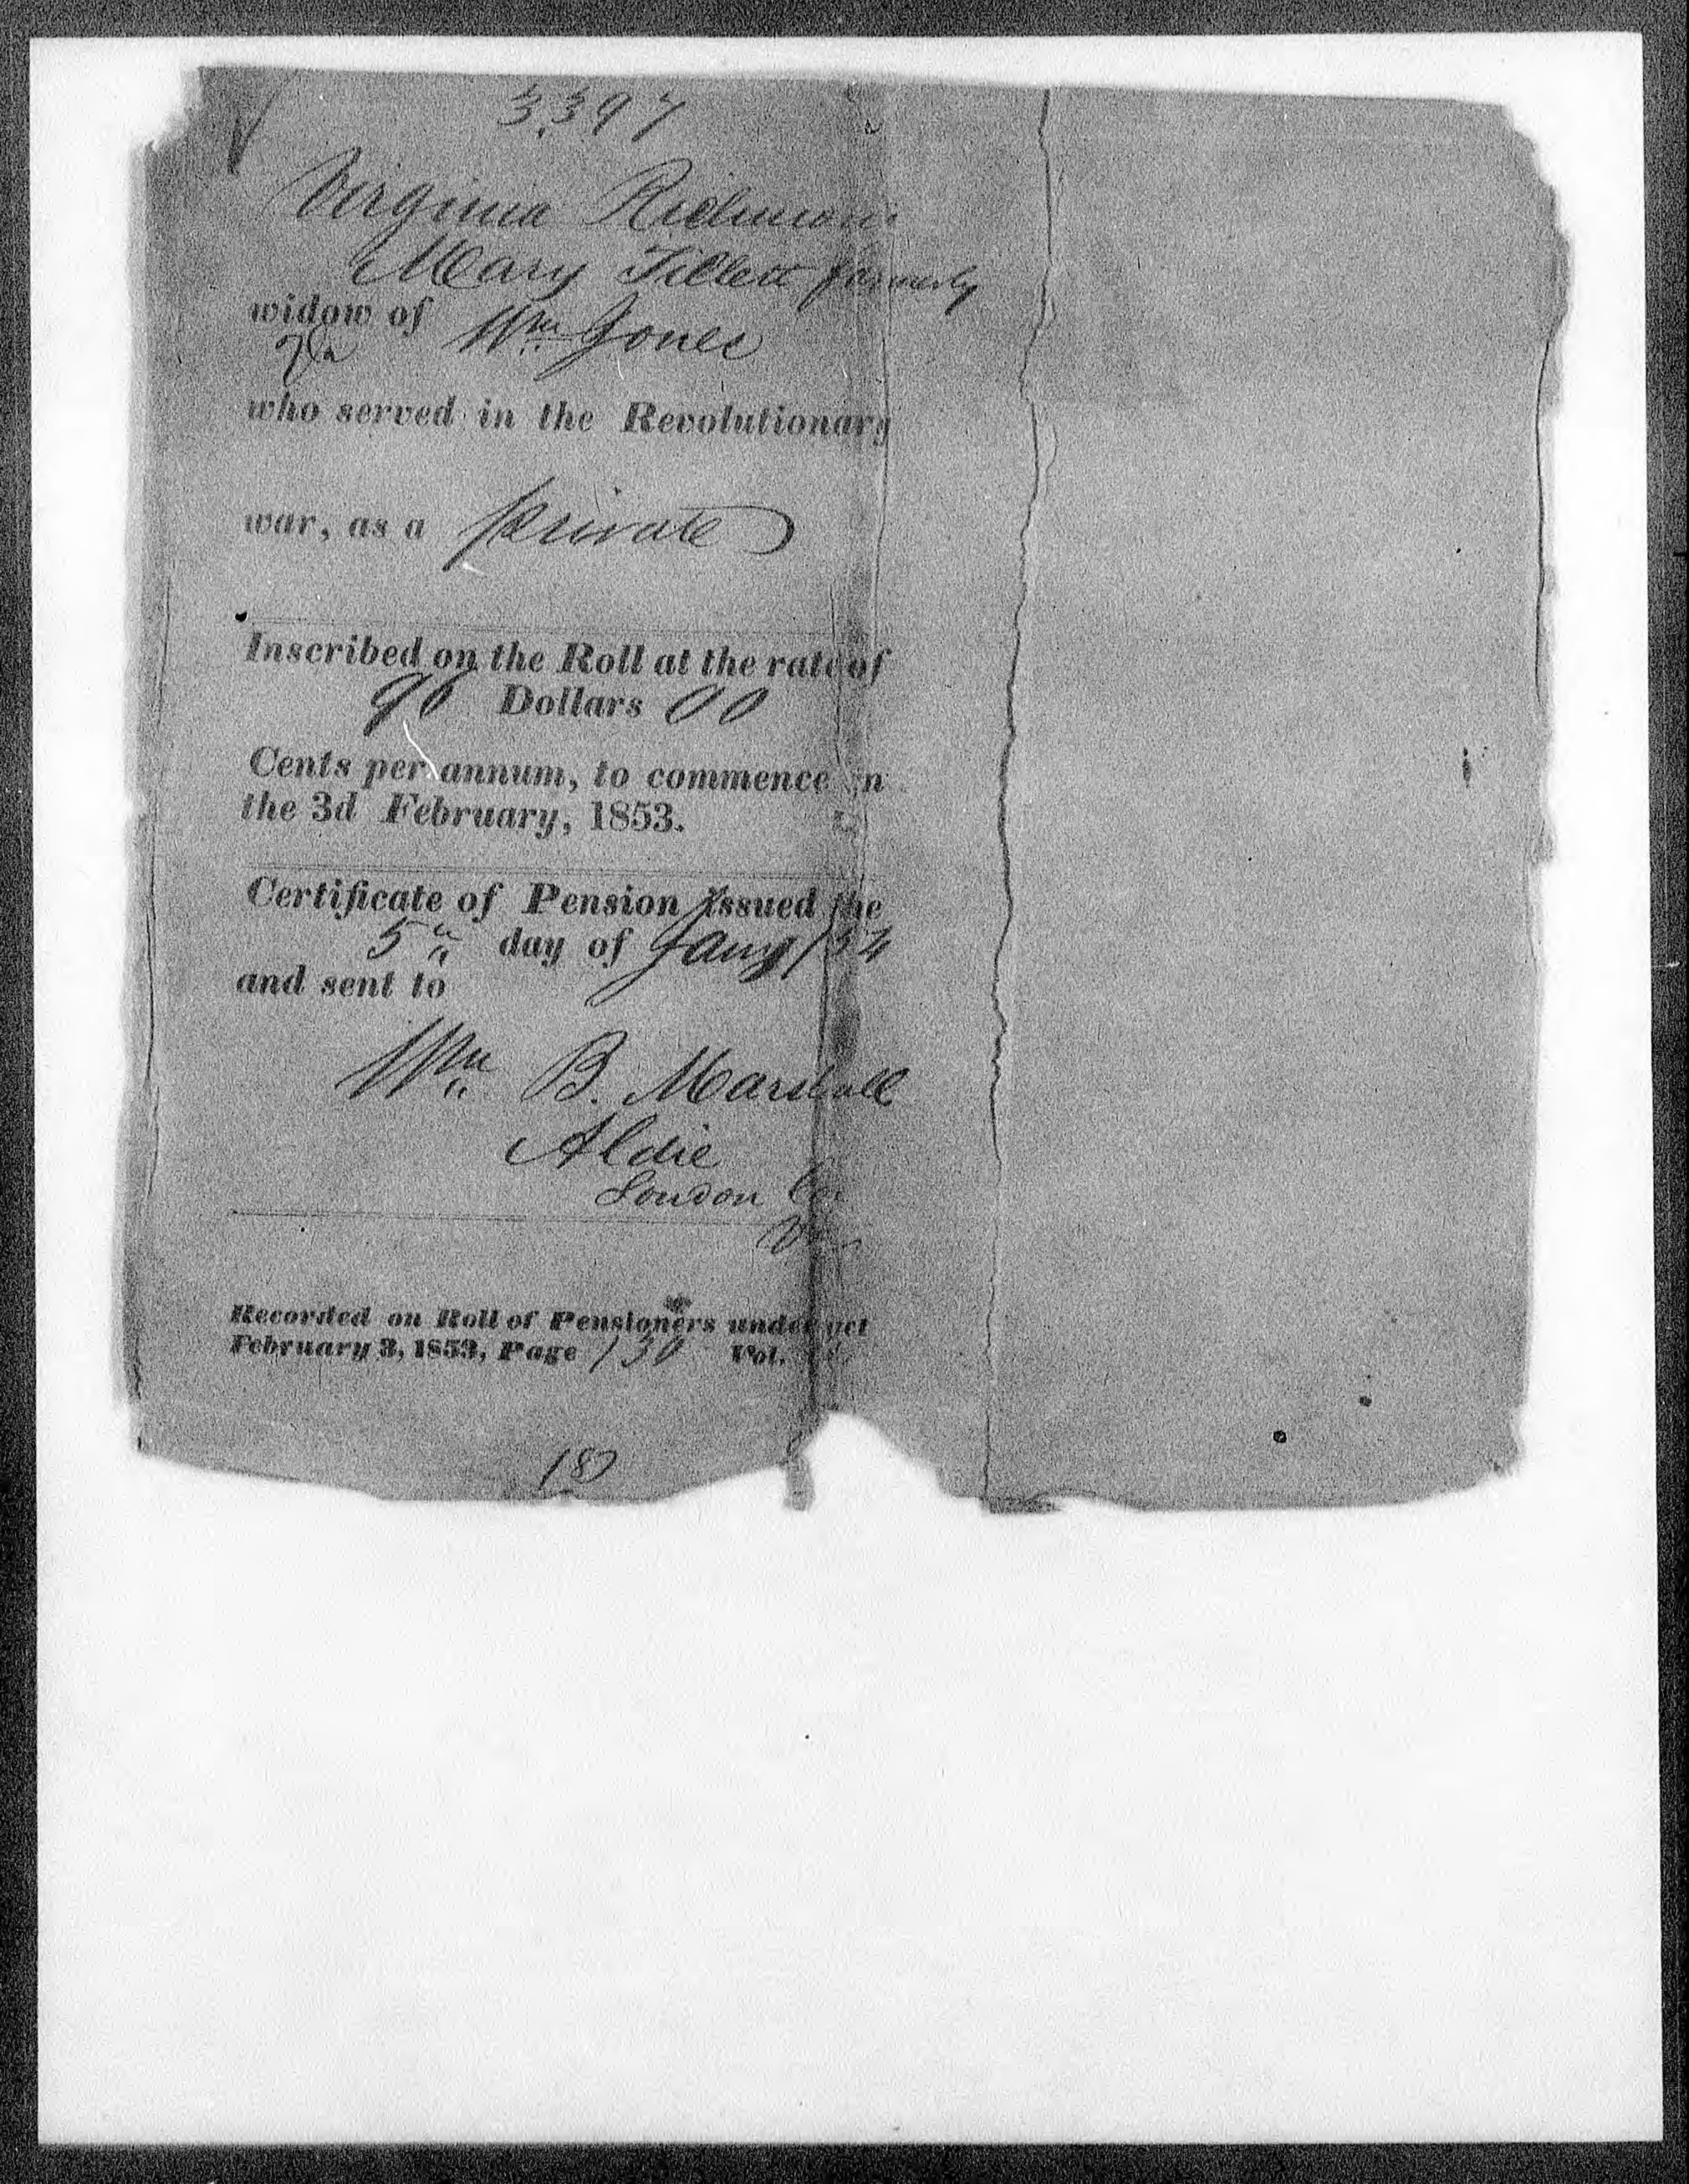3,397

Virginia Richmond
Mary Tillett family widow of Wm. Jones Va who served in the Revolutionary war, as a private

Inscribed on the roll at the rate of 96 Dollars 00 Cents per annum, to commence on the 3d February, 1853.

Certificate of Pension issued the 5th day of Jany/54 and sent to Wm. B. Marshall Aldie Loudon Co Va

Recorded on Roll of Pensioners under act February 3, 1853, Page 130 Vol. [illegible]

187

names: Wm Jones; Wm B Marshall; Mary Tillett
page: 3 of 39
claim: widow's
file: W 6292, for William Jones, Maryland